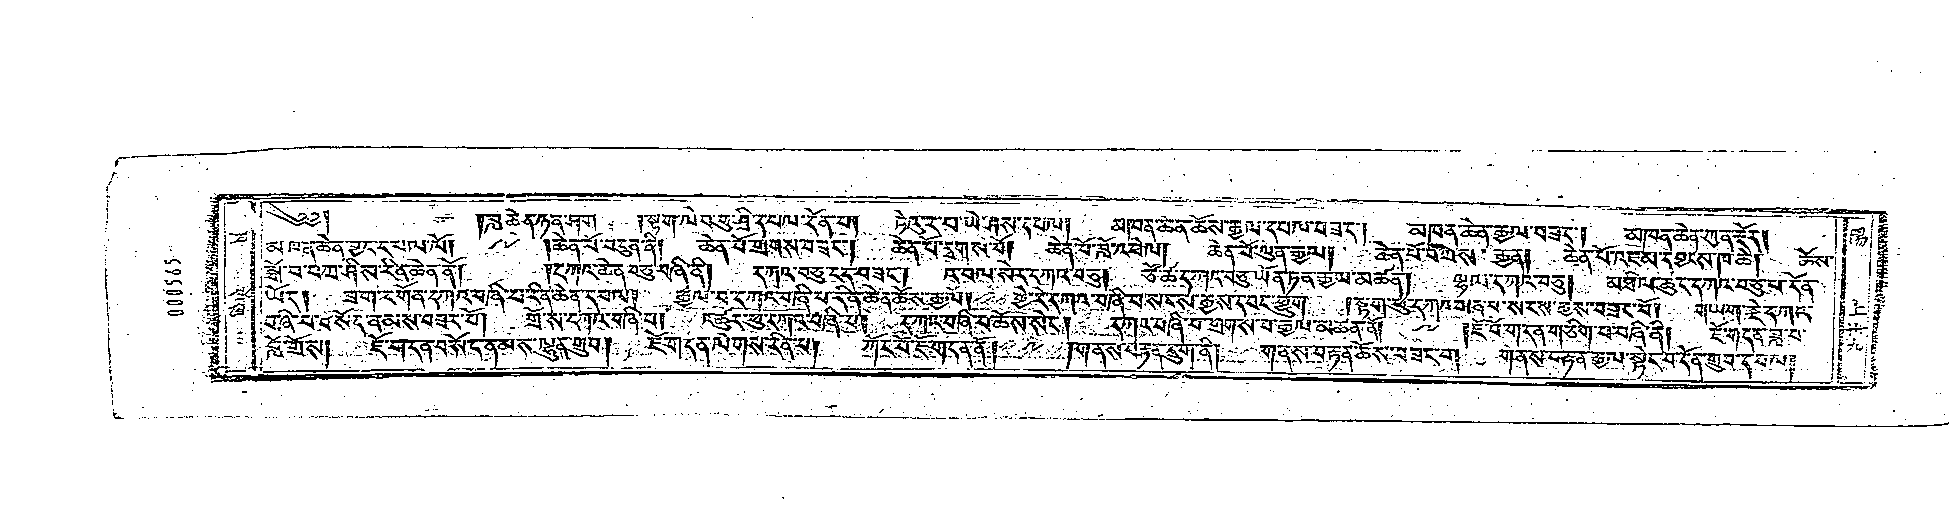༄༅། །བླ་ཆེན་ཉན་ཤག །སྟག་ལེབ་གུ་ཤྲི་དཔལ་དོན་པ། ཏེའུ་ར་པ་ཡེ་ཤས་དཔལ། མཁན་ཆེན་ཆོས་རྒྱལ་དཔལ་བཟང་། མཁན་ཆེན་རྒྱལ་བཟང་། མཁན་ཆེན་ཀུན་རྡོར།
མཁན་ཆེན་བྱང་དཔལ་ལོ། ༧་།ཆེན་པོ་བདུན་ནི། ཆེན་པོ་གྲགས་བཟང་། ཆེན་པོ་དྭགས་བོ། ཆེན་པོ་བློ་འཕེལ། ཆེན་པོ་ལུན་རྒྱལ། ཆེན་པོ་བཀྲས་རྒྱན། ཆེན་པོ་འཇམ་དབྱང་ཁ་ཆེ། ཆོས་
སྒོ་བ་བཀྲ་ཤིས་རིན་ཆེན་ནོ། །དཀའ་ཆེན་བཅུ་བཞི་ནི། དཀའ་བཅུ་ང་ད་བཟང་། འ་བལ་སེར་དཀའ་བཅུ། ཙོ་ཚ་དཀའ་བཅུ་ཡོན་ཏན་རྒྱལ་མཚན། ལྷ་ལ་དཀའ་བཅུ། མཐིལ་ཆུང་དཀའ་བཅུ་པ་དོན་
ཡོད། བྲག་དགོན་དཀའ་བཞི་པ་རིན་ཆེན་དཔལ། རྒྱལ་བ་དཀའ་བཞི་པ་རིན་ཆེན་ཆོས་རྒྱལ། གྱེ་རེ་དཀའ་བཞི་པ་སངས་རྒྱས་དབང་ཕྱུག །སྟག་ཕུ་དཀའ་བཞི་པ་སངས་རྒྱས་བཟང་པོ། གཡག་སྡེ་དཀའ་
བཞི་པ་བསོད་ནམས་བཟང་པོ། གྲོ་ས་དཀའ་བཞི་པ། འཚུར་ཕུ་དཀའ་བཞི་པ། དཀའ་བཞི་པ་ཆོས་སེང་། དཀའ་བཞི་པ་གྲགས་པ་རྒྱལ་མཚན་ནོ། ༧་།ཇོ་བོ་གདན་གཅིག་པ་བཞི་ནི། ཇོ་གདན་ཟླ་བ་
བློ་གྲོས། ཇོ་གདན་བསོད་ནམས་ལྷུན་གྲུབ། ཇོ་གདན་ལེགས་རིན་པ། ཀོང་པོ་ཇོ་གདན་ནོ། ༧་།གནས་བརྟན་དྲུག་ནི། གནས་བརྟན་ཆོས་བཟང་ག་གནས་བརྟན་རྒྱལ་སྟེང་བ་དོན་གྲུབ་དབལ།